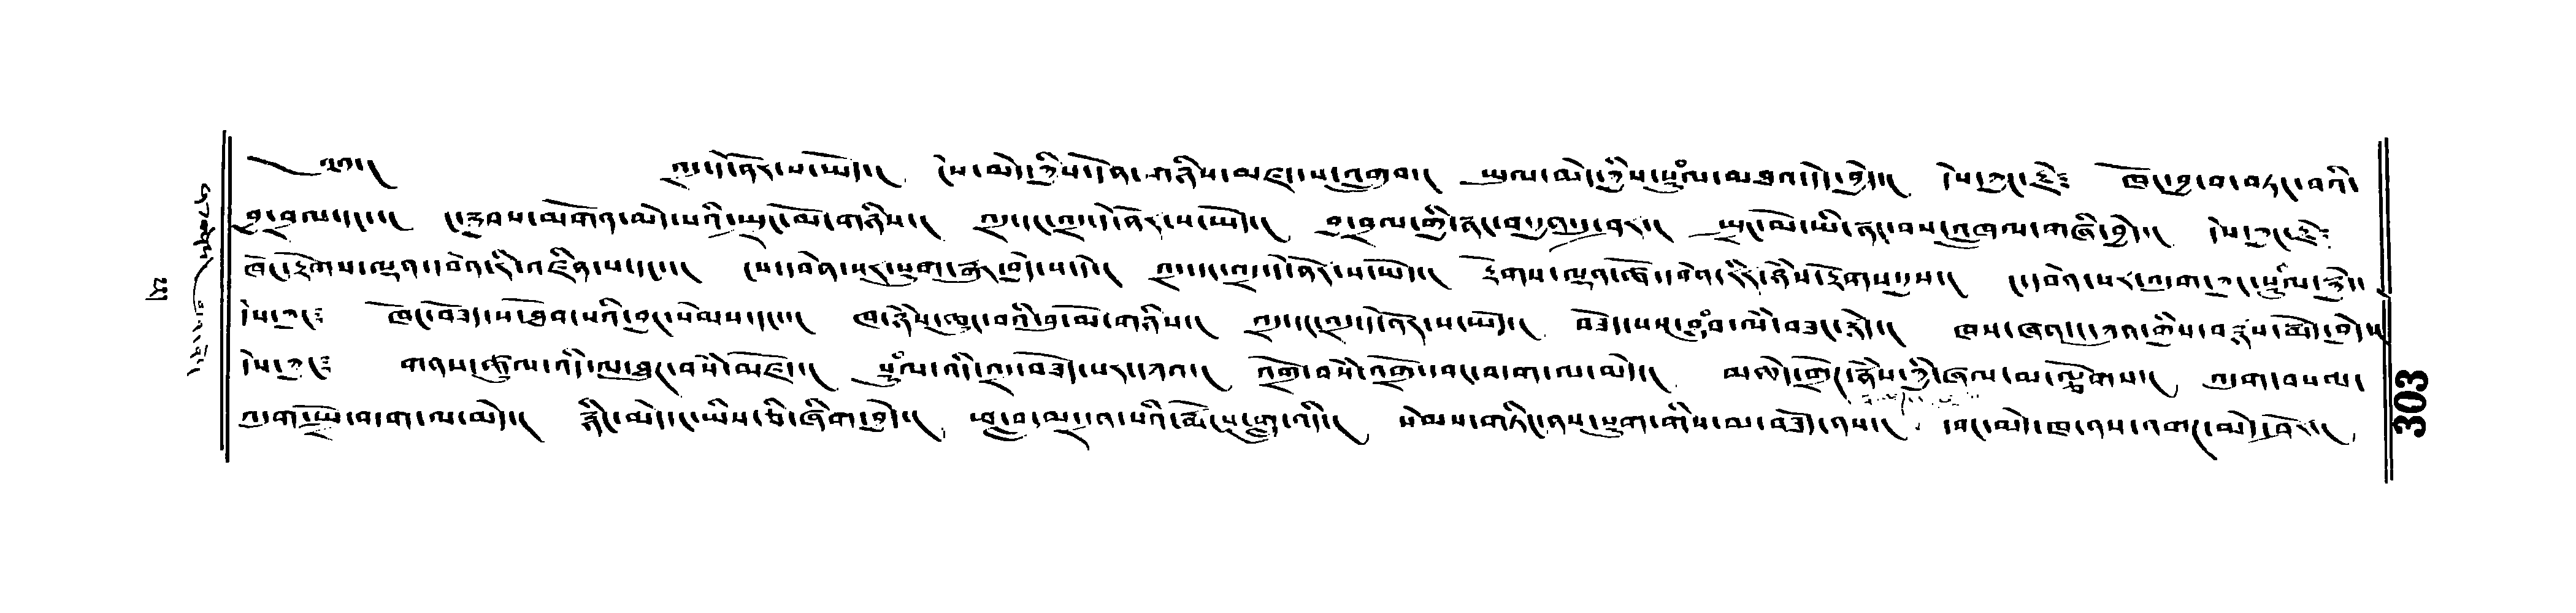འདྲ་དེ་ནོར་ས་ཡོད། །ངེས་མེད་ཀྱིས་དོན་གཉིས་མཛད་པ་འགྲུབ། །ཡུལ་མེད་ཀྱིས་སྡུག་བསྔལ་མཐའ་དེད་བྱེད། །དེས་ཀྱང་རྗེ༴ ཁོང་བྱ་བ་བཏང་བའི་
བྱ་བྲལ་དང་། །ང་སྐྱབས་མགོན་མེད་པའི་སྤྲང་མོ་གཉིས། །འདྲ་དང་འདྲ་དེ་ནོར་ས་ཡོད། །བྱ་བྲལ་གྱི་སྣང་བ་རྒྱན་དུ་ཤར། །སྤྲང་མོ་ཡི་སྣང་བས་འཁྲུལ་གཞི་བྱེད། །དེས་ཀྱང་རྗེ༴
ཁོང་རྟོགས་ལྡན་དབེན་རི་འཛིན་པ་དང་། །ངས་དབེན་པར་སྡུག་རྒུར་བྱེད་པ་དེ། །འདྲ་དང་འདྲ་དེ་ནོར་ས་ཡོད། །རྟོགས་ལྡན་ཚོ་དབེན་རིར་ཉམས་རྟོགས་རྒྱས། །ང་དབེན་པར་འདུག་ཀྱང་སྡུག་བསྔལ་སྐྱེད། །
དེས་ཀྱང༴ ཁོང་བཟོད་པ་ཐོབ་པའི་བྱང་སེམས་དང་། ཁ་ཉམས་ཆུང་བའི་བུ་མོ་གཉིས། །འདྲ་དང་འདྲ་དེ་ནོར་ས་ཡོད། །བཟོད་པས་བྱང་ཆུབ་ལམ་བཟང་རྙེད། ཁས་ཞན་ང་ཀུན་གྱིས་བརྙས་སྨོད་བྱེད། །
དེས་ཀྱང༴ གནས་ཚུལ་འདི་ལ་ཐུགས་བསམ་མཛོད། །སྡུག་བསྔལ་འདི་འདྲ་བཟོད་པར་དཀའ། །འགྲོ་བསམ་འགྲོ་དབང་བདག་ལ་མེད། །མཆེད་གྲོགས་རྣམས་ཀྱི་ཞལ་མ་ལྕོགས། །འདུག་བསམ་
འདུག་སྤྲོ་བདག་ལ་མེད། །སྙིང་མེད་ང་ཡིས་ཅི་ཞིག་བྱེད། །ཕ་བླ་མ་དྲན་པའི་རྨོངས་གླུ་འདི། །སེམས་གཏིང་ནས་སྡུག་གིས་མ་བཟོད་ནས། །དབང་མེད་ཁ་ནས་འགགས་མེད་ཤོར།